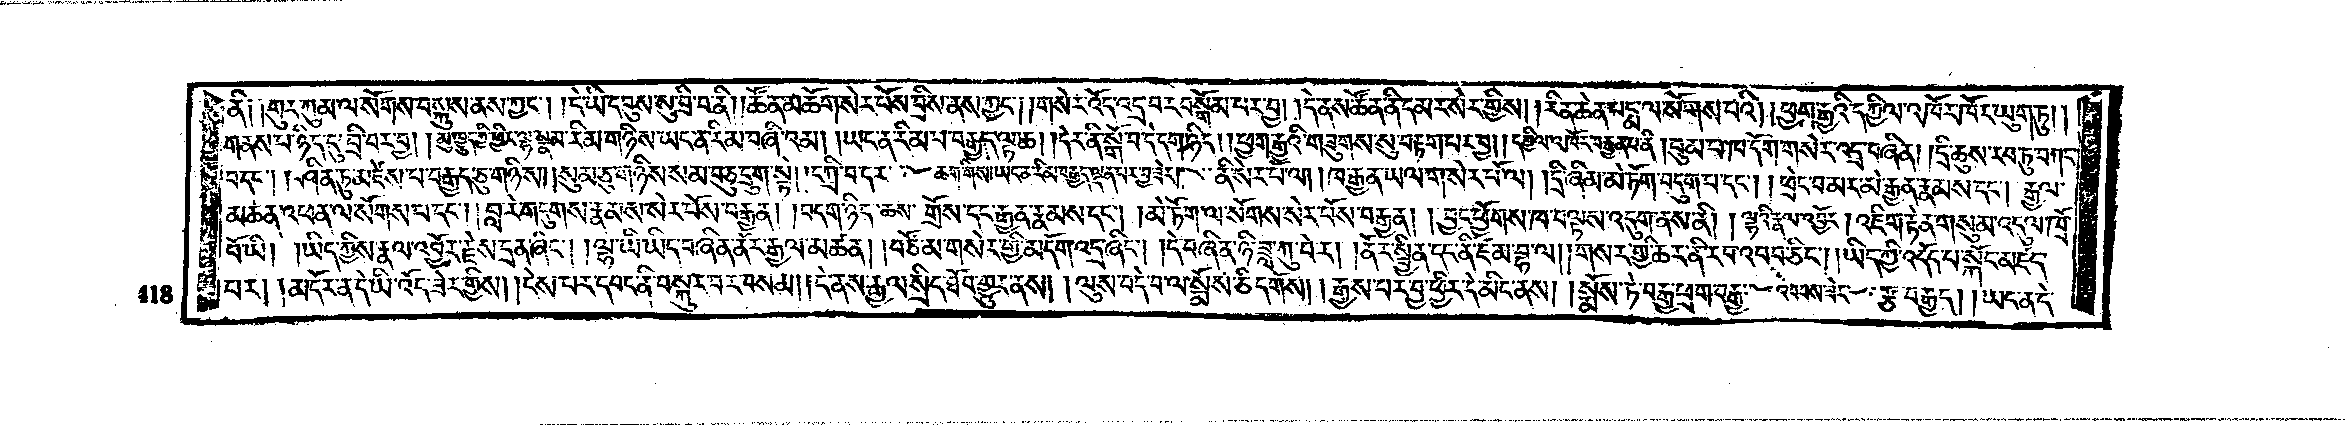ནི། །གུར་ཀུམ་ལ་སོགས་བསྐུས་ནས་ཀྱང་། །དེ་ཡི་དབུས་སུ་བྲི་བ་ནི། །ཚོན་མཆོག་སེར་པོས་བྲིས་ནས་ཀྱང་། །གསེར་འོད་འདྲ་བར་བསྒོམ་པར་བྱ། །དེ་ནས་ཚོན་ནི་དམར་སེར་གྱིས། །རིན་ཆེན་པདམ་ལ་སོགས་པའི། །ཕྱག་རྒྱའི་དཀྱིལ་འཁོར་ཁོར་ཡུག་ཏུ་
གནས་པ་ཉིད་དུ་བྲི་བར་བྱ། ། མུ་ཁྱུད་ཀྱི་ཕྱིར་ལྷ་སྣམ་རིམ་གཉིས་ཡང་ན་རིམ་བཞི་འམ། །ཡང་ན་རིམ་པ་བརྒྱད་ལྟ་ཆ། །དེར་ནི་སྒོ་བ་དེ་དག་ཉིད། །ཕྱག་རྒྱའི་གཟུགས་སུ་བརྟག་པར་བྱ། ། དཀྱིལ་འཁོར་བརྒྱན་པ་ནི།  བུམ་པ་ཁ་དོག་གསེར་འདྲ་བཞིན། །དྲི་ཆུས་རབ་ཏུ་བཀང་
བ་དང་། །ཤིན་ཏུ་མཛེས་པ་བརྒྱད་ཅུ་གཉིས། །སུམ་ཅུ་གཉིས་སམ་བཅུ་དྲུག་སྟེ། །དཀྲི་བ་དར་H.ཆག་གིས། ཡང་ན་རིམ་བརྒྱད་ལྡན་པར་བྱ་ཟེར། .H ནི་སེར་པོ་ལ། །ཁ་རྒྱན་ཡལ་ག་སེར་པོ་ལ། །དྲི་ཞིམ་མེ་ཏོག་བདུག་པ་དང་། །ཕྲེང་བ་མར་མེ་རྒྱན་རྣམས་དང་། རྒྱལ་
མཚན་འཕན་ལ་སོགས་པ་དང་། །བླ་རེ་གདུགས་རྣམས་སེར་པོས་བརྒྱན། །བདག་ཉིད་ཆས་གོས་དང་རྒྱན་རྣམས་དང་། །མེ་ཏོག་ལ་སོགས་སེར་པོས་བརྒྱན། །བྱང་ཕྱོགས་ཁ་བལྟས་འདུག་ནས་ནི། ། ལྷའི་རྣལ་འབྱོར།  འཇིག་རྟེན་གསུམ་འདུལ་ཁྲོ་
བོ་ཡི། །ཡིད་ཀྱིས་རྣལ་འབྱོར་རྗེས་དྲན་ཞིང་། །ལྷ་ཡི་ཡིད་བཞིན་ནོར་རྒྱལ་མཚན། །བཙོ་མ་གསེར་གྱི་མདོག་འདྲ་ཞིང་། །དེ་བཞིན་ཉི་ཟླ་ཀུ་བེར། །ནོར་སྦྱིན་དང་ནི་ཛམ་བྷ་ལ། །གསེར་གྱི་ཆར་ནི་རབ་འབབ་ཅིང་། །ཡིད་ཀྱི་འདོད་པ་སྐོང་མཛད་
པར། །མདོར་ན་དེ་ཡི་འོད་ཟེར་གྱིས། །ངེས་པར་དབང་ནི་བསྐུར་བར་བསམ། །དེ་ནས་རྒྱལ་སྲིད་ཐོབ་གྱུར་ནས། །ལུས་བདེ་བ་ལ་སྨོས་ཅི་དགོས། །རྒྱས་པར་བྱ་ཕྱིར་དེ་མིང་ནས། །སྨོས་ཏེ་བརྒྱ་ཕྲག་བརྒྱཿ་འབབས་ཟེར་.Hརྩ་བརྒྱད། །ཡང་ན་དེ་